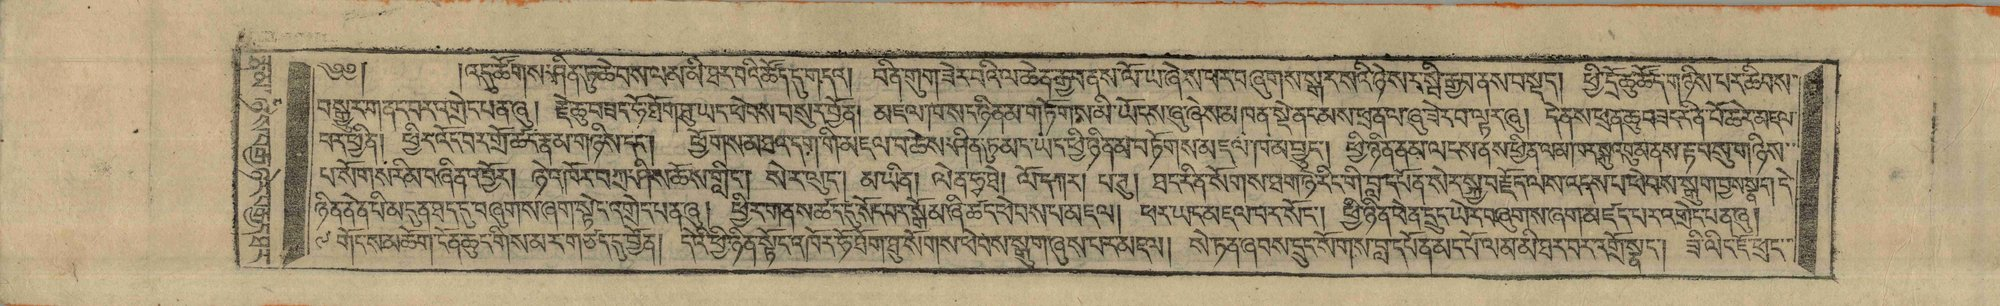༄༅། །འདུ་ཚོགས་ཤིན་ཏུ་ཆེ་བས་ལམ་མི་ཐར་བའི་ཚོད་དུ་གདའ། བ་ནི་གུག་ཟེར་བའི་ལ་ཆེན་རྒྱབ་ནས་ལོ་ཡ་ཞེས་པར་བཞུགས་སྒར་སའི་ཉེ་སར་སྦི་རྒྱབ་ནས་བསྡད། ཕྱི་དྲོ་ཆུ་ཚོད་གཉིས་པར་ཆིབས་
བསྒྱུར་གནང་བར་འགྲེང་པན་ཞུ། རྗེ་ཆུ་བཟང་ཧོ་ཐོག་ཐུ་ཡང་ཕེབས་བསུར་བྱོན། མཇལ་ཁ་སང་ཉིན་མ་གཏོགས་མི་ཡོངས་ཞུ་ཞེས་མཁན་སྡེ་ནང་མས་ཕྲན་ལ་ཞུ་ཟེར་བ་ལྟར་ཞུ། དེ་ནས་ཕྲན་ཆུ་བཟང་རིན་པོ་ཆེར་མཇལ་
པར་ཕྱིན། ཕྱིར་འོང་བར་གྲོ་ཚང་རྣམ་གཉིས་དང་། ཕྱོགས་མཐའ་དག་གི་མཇལ་བ་ཆེས་ཤིན་ཏུ་མང་ཡང་ཕྱི་ཉིན་མ་བཏོགས་མཇལ་ཁ་མ་བྱུང་། ཕྱི་ཉིན་ནམ་ལངས་ནས་ཕྱིན་ལམ་ཁར་སྐུ་འབུམ་ནས་རྟ་བསུ་གཉིས་
པ་སོགས་རིམ་བཞིན་འབྱོར། ཉེ་འཁོར་བཀྲ་ཤིས་ཆོས་གླིང་། སེ་ར་ལུང་། མ་ཡིན། ལེན་ཧྭ་ཐེ། ལོ་དཀར། པ་ཊུ། ཐང་རིན་སོགས་ཐག་ཉེ་རིང་གི་བླ་དཔོན་སེར་སྐྱ་བརྗོད་ལས་འདས་པ་ཕེབས་སྒུག་བྱས་སྣང་། དེ་
ཉིན་ནེན་པི་མདུན་ཐད་དུ་བཞུགས་ཞག་སྟེང་འགྲེང་པན་ཞུ། ཕྱིར་གནས་ཚད་དུ་སོང་བར་སྒོམ་ཞི་ཚང་ཕེབས་པ་མཇལ། ཕར་ཡང་མཇལ་བར་སོང་། ཕྱི་ཉིན་ཕེན་དྲུང་ཡེར་བཞུགས་ཞག་མཛད་པར་འགྲེང་པན་ཞུ།
༧གོང་ས་མཆོག་ངོན་ཆུང་གིས་མར་གཙད་དུ་བྱོན། དེའི་ཕྱི་ཉིན་སྟོང་འཁོར་ཧོ་ཐོག་ཐུ་སོགས་ཕེབས་སྒུག་ཞུས་པར་མཇལ། སེ་ཏན་ཞབས་དྲུང་སོགས་བླ་དཔོན་མང་པོ་ལམ་མི་ཐར་བར་འགྲོ་སྣང་། ཟི་ལིང་ཇོ་ཕྲན་